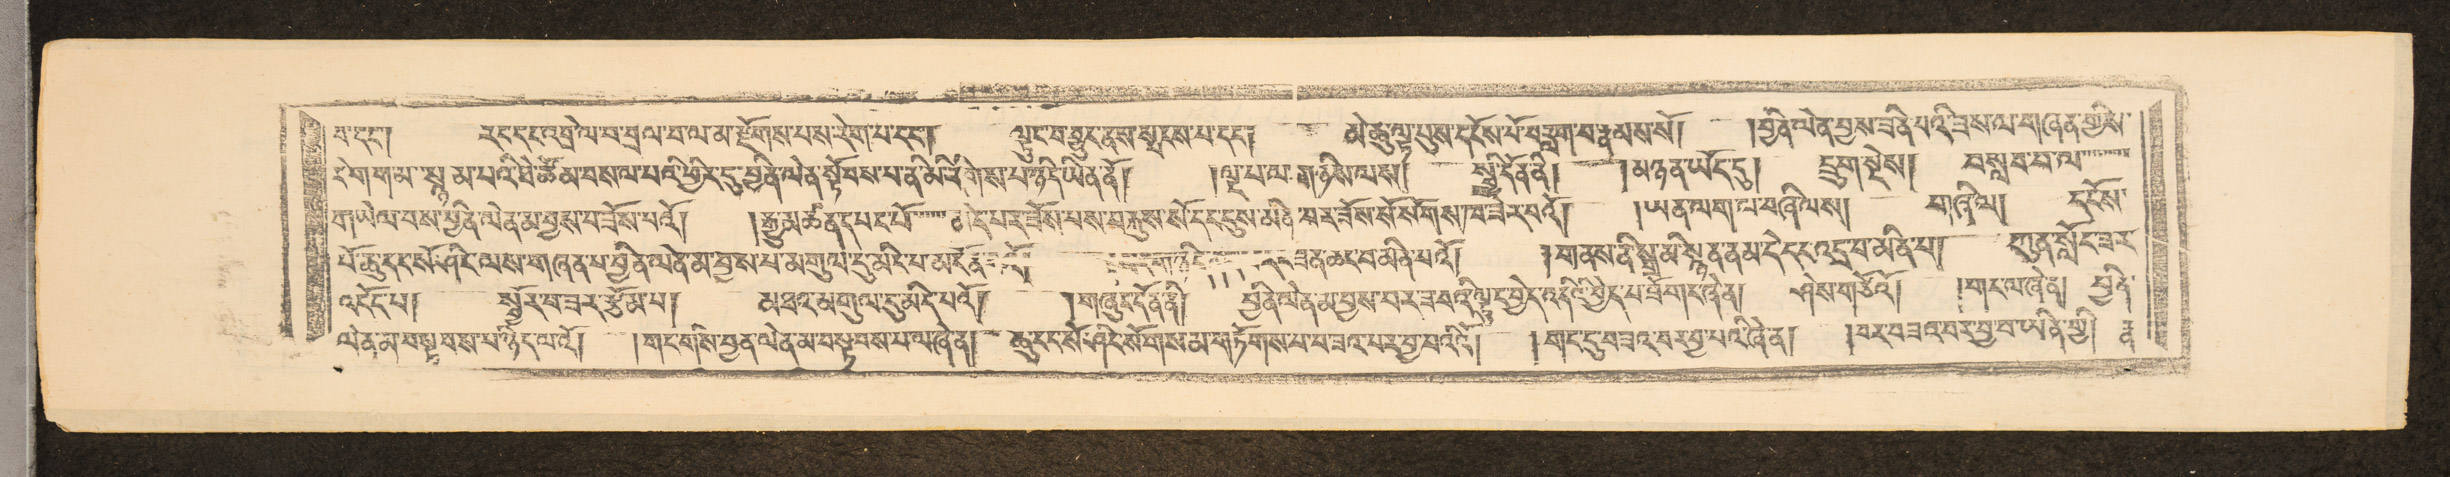བ་དང་། རང་དང་འབྲལ་བ་བྲལ་བ་ལ་མ་རྫོགས་པས་རེག་པ་དང་། ལྟུང་བ་བྱུང་ནས་སྤངས་པ་དང་། མེ་ཆུ་ལྟ་བུས་དངོས་པོ་བརླག་པ་རྣམས་སོ། །བྱིན་ལེན་བྱས་ཟིན་པའི་ཟས་ལ་གཞན་གྱིས་
རེག་གལ་སྙམ་པའི་ཐེ་ཚོམ་བསལ་བའི་ཕྱིར་དུ་བྱིན་ལེན་སྟོབས་པ་ནི་མི་རིགས་པ་ཉིད་མིན་ནོ། །ལྔ་པ་ལ་གཉིས་ལས། སྤྱི་དོན་ནི། །མཉན་ཡོད་དུ། དྲུག་སྡེས། བསླབ་བ་ལ་
གཡེལ་བས་བྱིན་ལེན་མ་བྱས་པ་ཟོས་བའོ། །རྒྱུ་མཚན་དཔང་པོ་མེད་པར་ཟོས་པས་བརྐུས་སོ་དང་དུས་མིན་པར་ཟོས་སོ་སོགས་ཁ་ཟེར་བའོ། །ཡན་ལག་ལ་བཞི་ལས། གཞི་ལ། དངོས་
པོ་ཆུ་དང་སོ་ཤིང་ལས་གཞན་པ་བྱིན་ལེན་མ་བྱས་པ་མགུལ་དུ་མིང་བ་མངོན་བའོ། །བདག་ཉིད་ནང་པ་དང་ཟན་ཆང་པ་མིན་པའོ། །གནས་ནི་སྒྲ་མི་སྙན་ནམ་དེ་དང་འདྲ་བ་མིན་པ། ཀུན་སློང་ཟར་
འདོང་པ། སྦྱོར་བ་ཟར་རྩོམ་པ། མཐའ་མགུལ་དུ་མིད་པའོ། །གཞུང་དོན་ནི། བྱིན་ལེན་མ་བྱས་པར་ཟ་བའི་ལྟུང་བྱེད་འདིའི་བྱེད་པ་པོ་གང་ཞེ་ན། ཤེས་གཙོའོ། །གང་ལ་ཞེ་ན། བྱིན་
ལེན་མ་བསྟབས་པ་ཉིད་ལའོ། །གང་གིས་བྱིན་ལེན་མ་བསྟབས་པ་ལ་ཞེ་ན། ཆུ་དང་སོ་ཤིང་སོགས་མ་གཏོགས་པ་བཟའ་བར་བྱ་བའིའོ། །གང་དུ་བཟའ་བར་བྱ་བའི་ཞེ་ན། ཁར་བཟའ་བར་བྱ་བ་ཡིན་གྱི། རྣ་